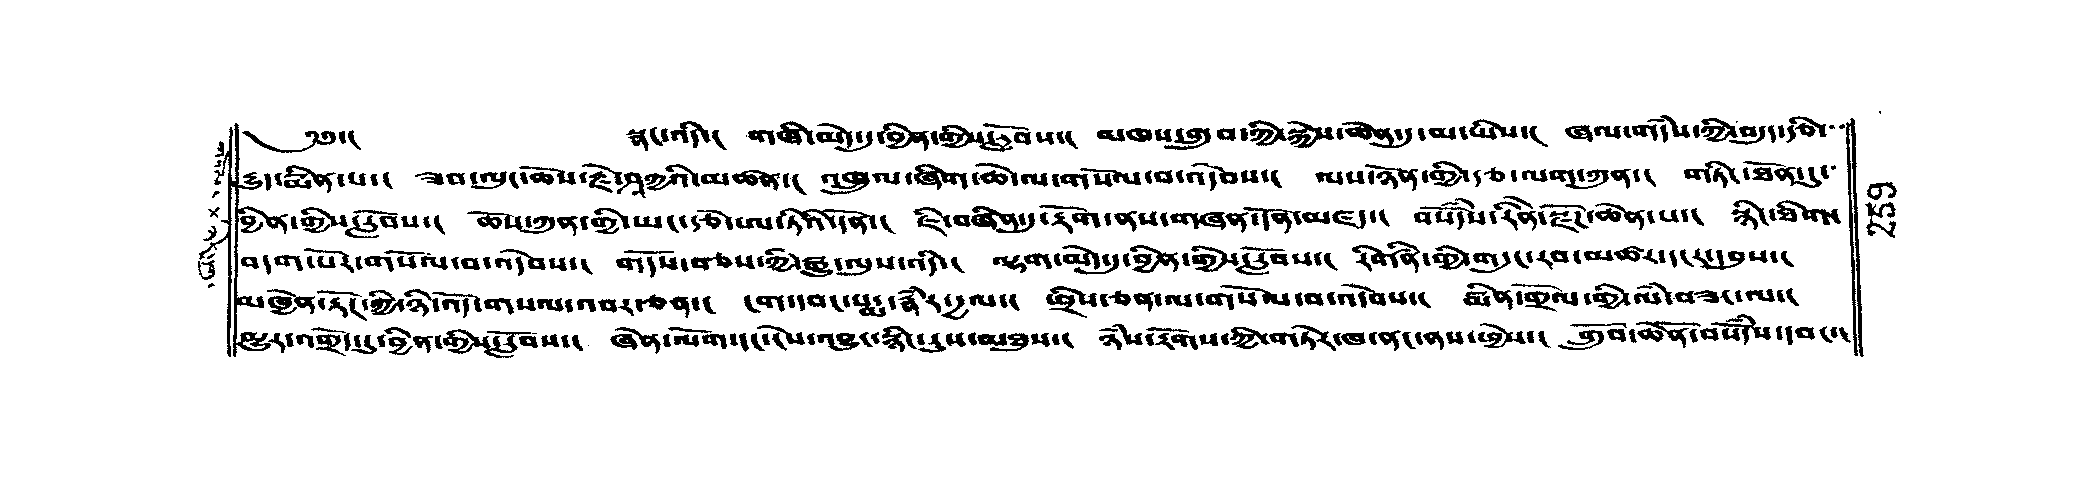སྣང་འདི། །གཞི་མེད་དུ་བྱིན་གྱིས་རློབས། །མཁས་གྲུབ་ཀྱི་སྐྱེས་ཆེན་དུ་མ་ཡིས། །ཞལ་གདམས་ཀྱི་བདུད་རྩིས་
རྒྱུད་སྨིན་པ། །ཟབ་ལུང་ཆོས་རྗེ་ཤཱཀྱའི་མཚན། །འཁྲུལ་ཞིག་ཆེ་ལ་གསོལ་བ་འདེབས། །ལས་ཉོན་གྱི་རྩ་ལག་ཀུན། །གཏིང་ཐོན་དུ་
བྱིན་གྱིས་རློབས། །ཆོས་ཀུན་གྱི་ཡང་རྩེ་ཨ་ཏིའི་དོན། །ཇི་བཞིན་དུ་རྟོགས་ནས་གཞན་དོན་མཛད། །བསོད་ནམས་རིན་ཆེན་རྫོགས་ཆེན་པ། སྙིང་ཐིག་
བདག་པོར་གསོལ་བ་འདེབས། །གདོས་བཅས་ཀྱི་སྒྱུ་ལུས་འདི། །ལྷག་མེད་དུ་བྱིན་གྱིས་རློབས། །རིག་འཛིན་གྱི་གདུང་རབས་མཚར་དངར་དབུས། །
མཁྱེན་རྟོགས་ཀྱི་ཉི་འོད་གསལ་འབར་ཅན། །ངག་དབང་པདྨ་རྣམ་པར་རྒྱལ། །ཕྲིན་ལས་ཅན་ལ་གསོལ་བ་འདེབས། །སྨིན་གྲོལ་གྱི་ལམ་བཟང་ལ། །
མྱུར་བགྲོད་དུ་བྱིན་གྱིས་རློབས། །ཞེན་ལོག་དང་ངེས་འབྱུང་སྙིང་རུས་མཐུས། །ཉམས་རྟོགས་ཀྱི་གཏེར་ཁ་ནང་ནས་ཕྱེས། །གྲུབ་ཐོབ་ཆེན་པོ་བསོད་ནམས་དབང་།